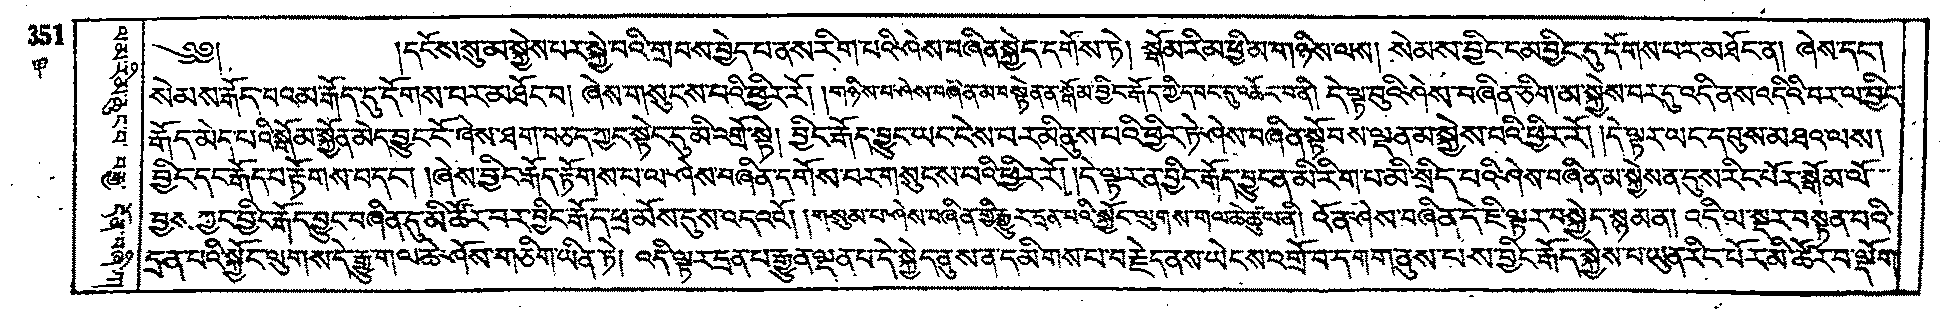༄༅། །དངོས་སུ་མ་སྐྱེས་པར་སྐྱེ་བའི་གྲབས་བྱེད་པ་ནས་རིག་པའི་ཤེས་བཞིན་སྐྱེད་དགོས་ཏེ། སྒོམ་རིམ་ཕྱི་མ་གཉིས་ལས། སེམས་བྱིང་ངམ་བྱིང་དུ་དོགས་པར་མཐོང་ན། ཞེས་དང་།
སེམས་རྒོད་པའམ་རྒོད་དུ་དོགས་པར་མཐོང་བ། ཞེས་གསུངས་པའི་ཕྱིར་རོ། །གཉིས་པ་ཤེས་བཞིན་མ་བསྟེན་ན་སྒོམ་བྱིང་རྒོད་ཀྱི་དབང་དུ་འཆོར་བ་ནི།  དེ་ལྟ་བུའི་ཤེས་བཞིན་ཅིག་མ་སྐྱེས་བར་དུ་འདི་ནས་འདིའི་བར་ལ་བྱིང་
རྒོད་མེད་པའི་སྒོམ་སྐྱོན་མེད་བྱུང་ངོ་ཞེས་ཐག་བཅད་ཀྱང་སྟེང་དུ་མི་འགྲོ་སྟེ། བྱིང་རྒོད་བྱུང་ཡང་ངེས་པར་མི་ནུས་པའི་ཕྱིར་ཏེ་ཤེས་བཞིན་སྟོབས་ལྡན་མ་སྐྱེས་པའི་ཕྱིར་རོ། །དེ་ལྟར་ཡང་དབུས་མཐའ་ལས།
བྱིང་དང་རྒོད་པ་རྟོགས་པ་དང་། །ཞེས་བྱིང་རྒོད་རྟོགས་པ་ལ་ཤེས་བཞིན་དགོས་པར་གསུངས་པའི་ཕྱིར་རོ། །དེ་ལྟར་ན་བྱིང་རྒོད་བྱུང་ན་མི་རིག་པ་མི་སྲིད་པའི་ཤེས་བཞིན་མ་སྐྱེས་ན་དུས་རིང་པོར་སྒོམ་ལོ་
བྱས་ཀྱང་བྱིང་རྒོད་བྱུང་བཞིན་དུ་མི་ཚོར་བར་བྱིང་རྒོད་ཕྲ་མོས་དུས་འདའོ། །གསུམ་པ་ཤེས་བཞིན་གྱི་རྒྱུར་དྲན་པའི་སྐྱོང་ལུགས་གལ་ཆེ་ཚུལ་ནི།  འོ་ན་ཤེས་བཞིན་དེ་ཇི་ལྟར་བསྐྱེད་སྙམ་ན། འདི་ལ་སྔར་བསྟན་པའི་
དྲན་པའི་སྐྱོང་ལུགས་དེ་རྒྱུ་གལ་ཆེ་ཤོས་གཅིག་ཡིན་ཏེ། འདི་ལྟར་དྲན་པ་རྒྱུན་ལྡན་པ་དེ་སྐྱེད་ནུས་ན་དམིགས་པ་བརྗེད་ནས་ཡེངས་འགྲོ་བ་དགག་ནུས་པས་བྱིང་རྒོད་སྐྱེས་པ་ཡུན་རིང་པོར་མི་ཚོར་བ་ལྡོག་